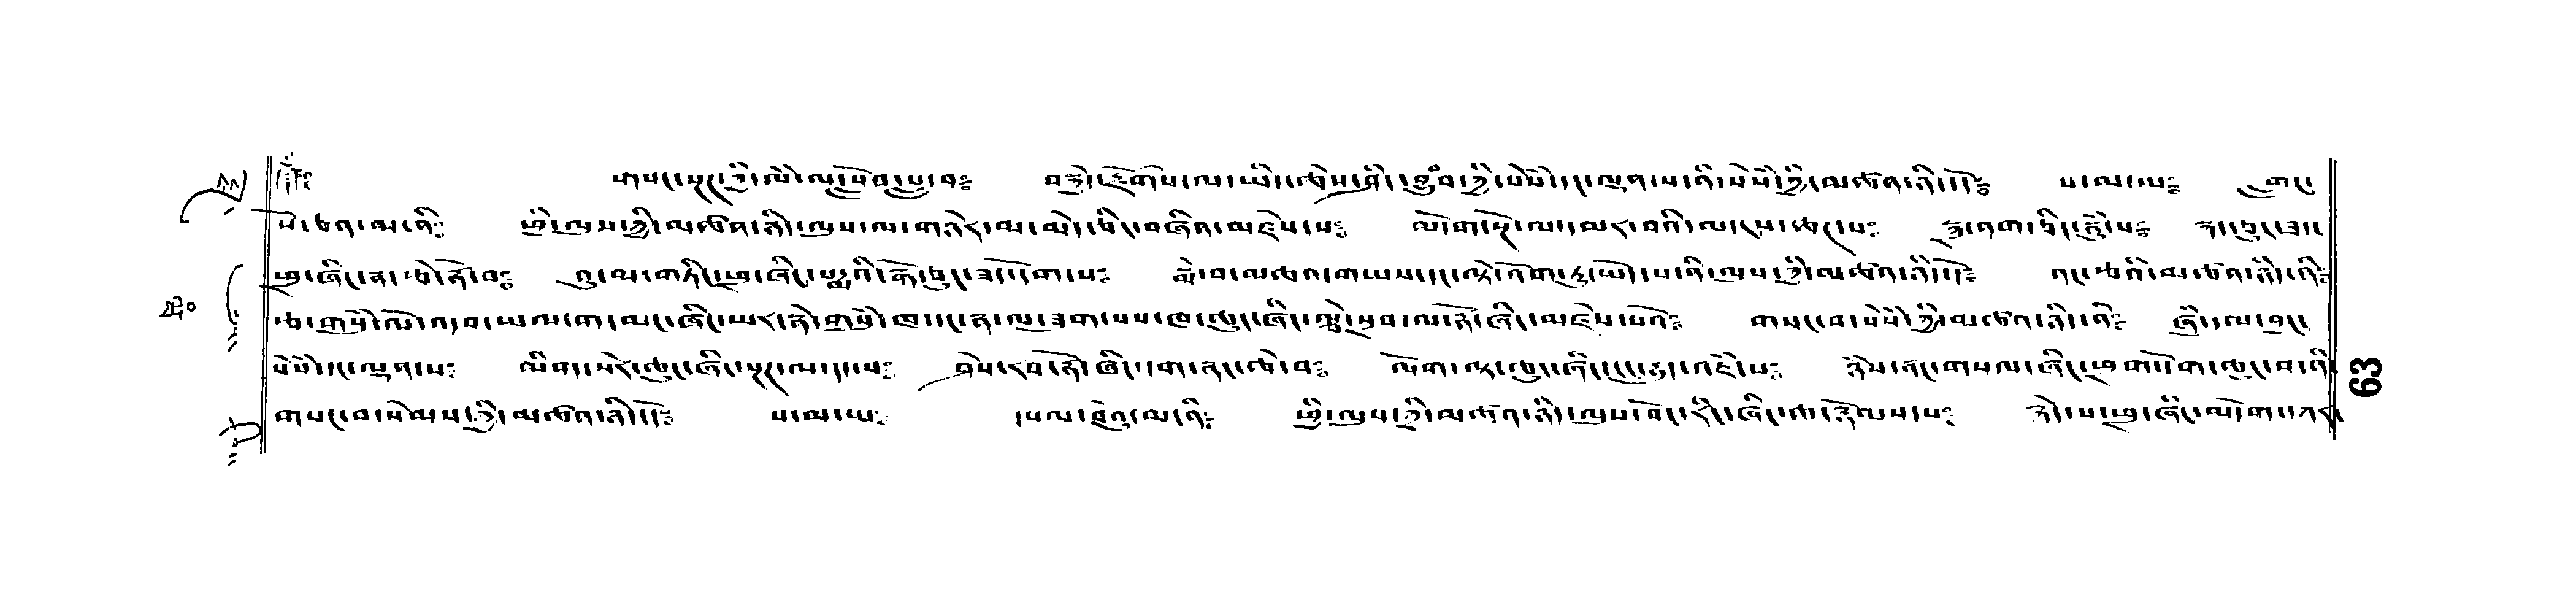གསང་སྔགས་ཀྱི་ལམ་ལ་སློབ་སླ་བ༔ བསྐྱེད་རྫོགས་ལ་ཡིད་ཆེས་ཤིང་བྱང་ཆུབ་ཀྱི་སེམས་དང་ལྡན་པ་ནི་སེམས་ཀྱི་མཚན་ཉིད་དོ༔ ས་མ་ཡ༔ གླང་
པོ་ཅན་མ་ནི༔ ཕྱི་ལུས་ཀྱི་མཚན་ཉིད་ལུས་ལ་གཉེར་མ་མེད་ཅིང་བཞིན་མཛེས་པ༔མདོག་སྔོ་ལ་དམར་བའི་མདངས་ཆགས་པ༔ སྐྲག་ནག་ཅིང་སྣུམ་པ༔ སྐད་ཅུང་ཟད་
ཕྲ་ཞིང་སྣ་རྩེ་རྣོ་བ༔ ནུ་མ་གཏིང་ཕྲ་ཞིང་པདྨའི་སྒོ་ཅུང་ཟད་དོག་པ༔ སྨེ་བ་མཆན་གཡས་དང་ལྟེ་འོག་ཏུ་ཡོད་པ་ནི་ལུས་ཀྱི་མཚན་ཉིད་དོ༔ ནང་རྩའི་མཚན་ཉིད་ནི༔ 
རྩ་གསུམ་ལོ་འདབ་ཡལ་ག་མང་ཞིང་ཡར་སྣེ་གསུམ་ཁ་དང་སྣ་ལ་ཟུག་པས་ཁ་ཆུང་ཞིང་ལྕེ་སྲབ་ལ་རྣོ་ཞིང་མཛེས་པའོ༔ གསང་བ་སེམས་ཀྱི་མཚན་ཉིད་ནི༔ ཞི་དུལ་བྱང་
སེམས་དང་ལྡན་པ༔ མིག་སེར་ཆུང་ཞིང་སྔགས་ལ་དད་པ༔ ཤེས་རབ་རྣོ་ཞིང་དག་སྣང་ཆེ་བ༔ ལོག་ལྟ་ཆུང་ཞིང་ངང་རྒྱུད་འཇམ་པ༔ ཉམས་སྣང་གསལ་ཞིང་ཕྲག་དོག་ཆུང་བ་ནི་
གསང་བ་སེམས་ཀྱི་མཚན་ཉིད་དོ༔ ས་མ་ཡ༔ དཔལ་བེའུ་མ་ནི༔ ཕྱི་ལུས་ཀྱི་མཚན་ཉིད་ལུས་བོང་རིང་ཞིང་ཆ་སྙོམས་པ༔ རྐེད་པ་ཕྲ་ཞིང་མདོག་དཀར་